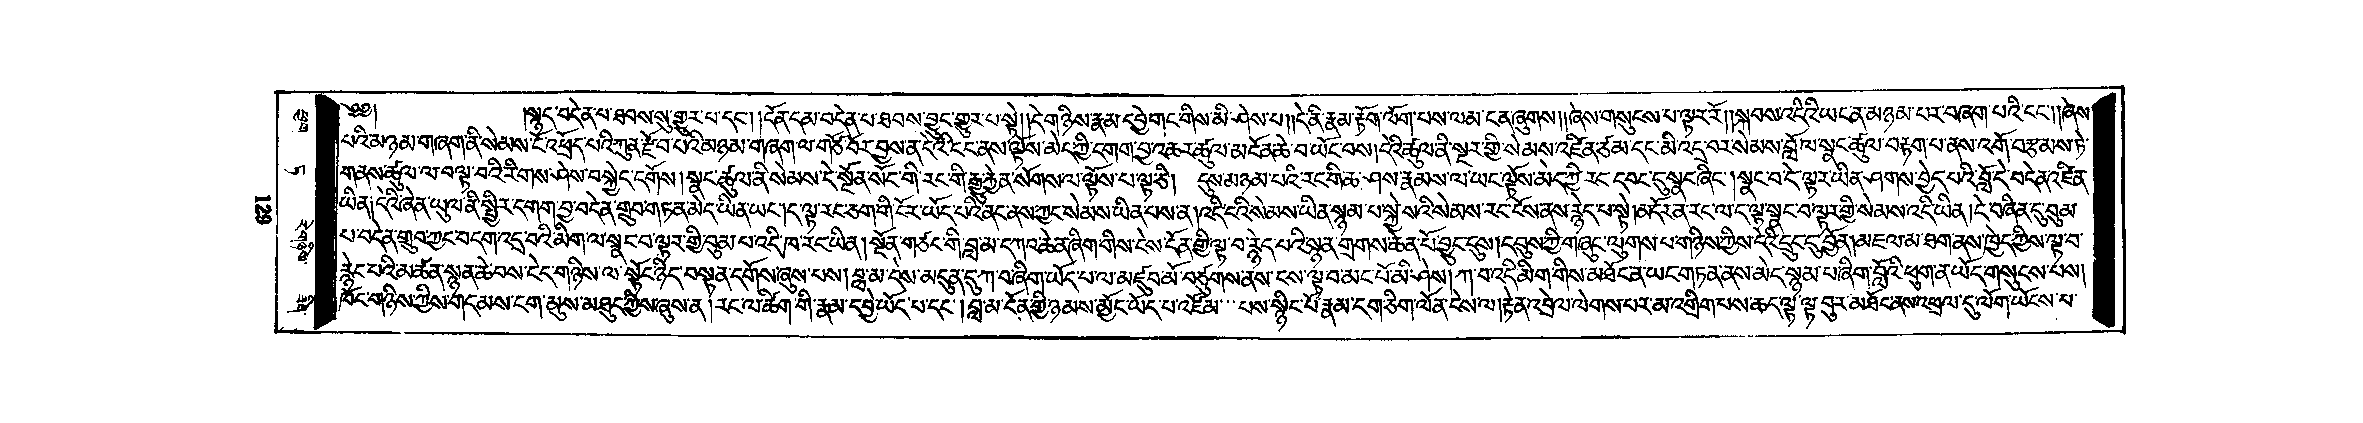༄༅། །སྙད་བདེན་པ་ཐབས་སུ་གྱུར་པ་དང་། །དོན་དམ་བདེན་པ་ཐབས་བྱུང་གྱུར་པ་སྟེ། །དེ་གཉིས་རྣམ་དབྱེ་གང་གིས་མི་ཤེས་པ། །དེ་ནི་རྣམ་རྟོག་ལོག་པས་ལམ་ངན་ཞུགས། །ཞེས་གསུངས་པ་ལྟར་རོ། །སྐབས་འདིའི་ཡང་ན་མཉམ་པར་བཞག་པའི་ངང་། །ཞེས་
པའི་མཉམ་གཞག་ནི་སེམས་ངོ་འཕྲོད་པའི་ཀུན་རྫོབ་པའི་མཉམ་གཞག་ལ་གཙོ་བོར་བྱས་ན་དེའི་ངང་ནས་ལྟོས་མེད་ཀྱི་དགག་བྱ་འཆར་ཚུལ་མངོན་ཆེ་བ་ཡོང་བས། དེའི་ཚུལ་ནི་སྔར་ཀྱི་སེམས་འཛིན་ཙམ་དང་མི་འདྲ་བར་སེམས་བློ་ལ་སྣང་ཚུལ་བརྟག་པ་ནས་འགོ་བརྩམས་ཏེ་
གནས་ཚུལ་ལ་བལྟ་བའི་རིགས་ཤེས་བསྐྱེད་དགོས། སྣང་ཚུལ་ནི་སེམས་དེ་སྔོན་སོང་གི་རང་གི་རྒྱུ་རྐྱེན་སོགས་ལ་ལྟོས་པ་ལྟ་ཅི། དུས་མཉམ་པའི་རང་གི་ཆ་ཤས་རྣམས་ལ་ཡང་ལྟོས་མེད་ཀྱི་རང་དབང་དུ་སྣང་ཞིང་། སྣང་བ་དེ་ལྟར་ཡིན་ཤགས་བྱེད་པའི་བློ་དེ་བདེན་འཛིན་
ཡིན། དེའི་ཞེན་ཡུལ་ནི་སྤྱིར་དགག་བྱ་བདེན་གྲུབ་གཏན་མེད་ཡིན་ཡང་། ད་ལྟ་རང་ཅག་གི་ངོར་ཡོད་པའི་ནང་ནས་ཀྱང་སེམས་ཡིན་པས་ན། འདི་ངའི་སེམས་ཡིན་སྙམ་པ་སྐྱེ་སའི་སེམས་རང་ངོས་ནས་རྙེད་པ་སྟེ། མདོར་ན་རང་ལ་ད་ལྟ་སྣང་བ་ལྟར་གྱི་སེམས་འདི་ཡིན། དེ་བཞིན་དུ་བུམ་
པ་བདེན་གྲུབ་ཀྱང་བདག་འདྲ་བའི་མིག་ལ་སྣང་བ་ལྟར་གྱི་བུམ་པ་འདི་ཁ་རང་ཡིན། སྔོན་གཙང་གི་བླ་མ་དཀའ་ཆེན་ཞིག་གིས་ངེས་དོན་གྱི་ལྟ་བ་རྙེད་པའི་སྙན་གྲགས་ཆེན་པོ་བྱུང་དུས། དབུས་ཀྱི་གཞུང་ལུགས་པ་གཉིས་ཀྱིས་དེའི་དྲུང་དུ་བྱོན། མཇལ་མ་ཐག་ནས་ཁྱེད་ཀྱིས་ལྟ་བ་
རྙེད་པའི་མཚན་སྙན་ཆེ་བས་ངེད་གཉིས་ལ་སྟོང་ཉིད་བསྟན་དགོས་ཞུས་པས། བླ་མ་དེས་མདུན་དུ་ཀ་བ་ཞིག་ཡོད་པ་ལ་མཛུབ་མོ་བཙུགས་ནས་ངས་ལྟ་བ་མང་པོ་མི་ཤེས། ཀ་བ་འདི་མིག་གིས་མཐོང་ན་ཡང་གཏན་ནས་མེད་སྙམ་པ་ཞིག་བློའི་ཕུག་ན་ཡོད་གསུངས་པས།
ཁོང་གཉིས་ཀྱིས་གདམས་ངག་མུས་མཐུད་ཀྱིས་ཞུས་ན། རང་ལ་ཚིག་གི་རྣམ་དབྱེ་ཡོད་པ་དང་། བླ་མ་དོན་གྱི་ཉམས་མྱོང་ཡོད་པ་འཛོམ་པས་སྙིང་པོ་རྣམ་དག་ཅིག་ལོན་ངེས་ལ། རྟེན་འབྲེལ་ལེགས་པར་མ་འགྲིགས་པས་ཆད་ལྟ་ལྟ་བུར་མཐོང་ནས་དུ་ལོག་ཡོངས་པ་